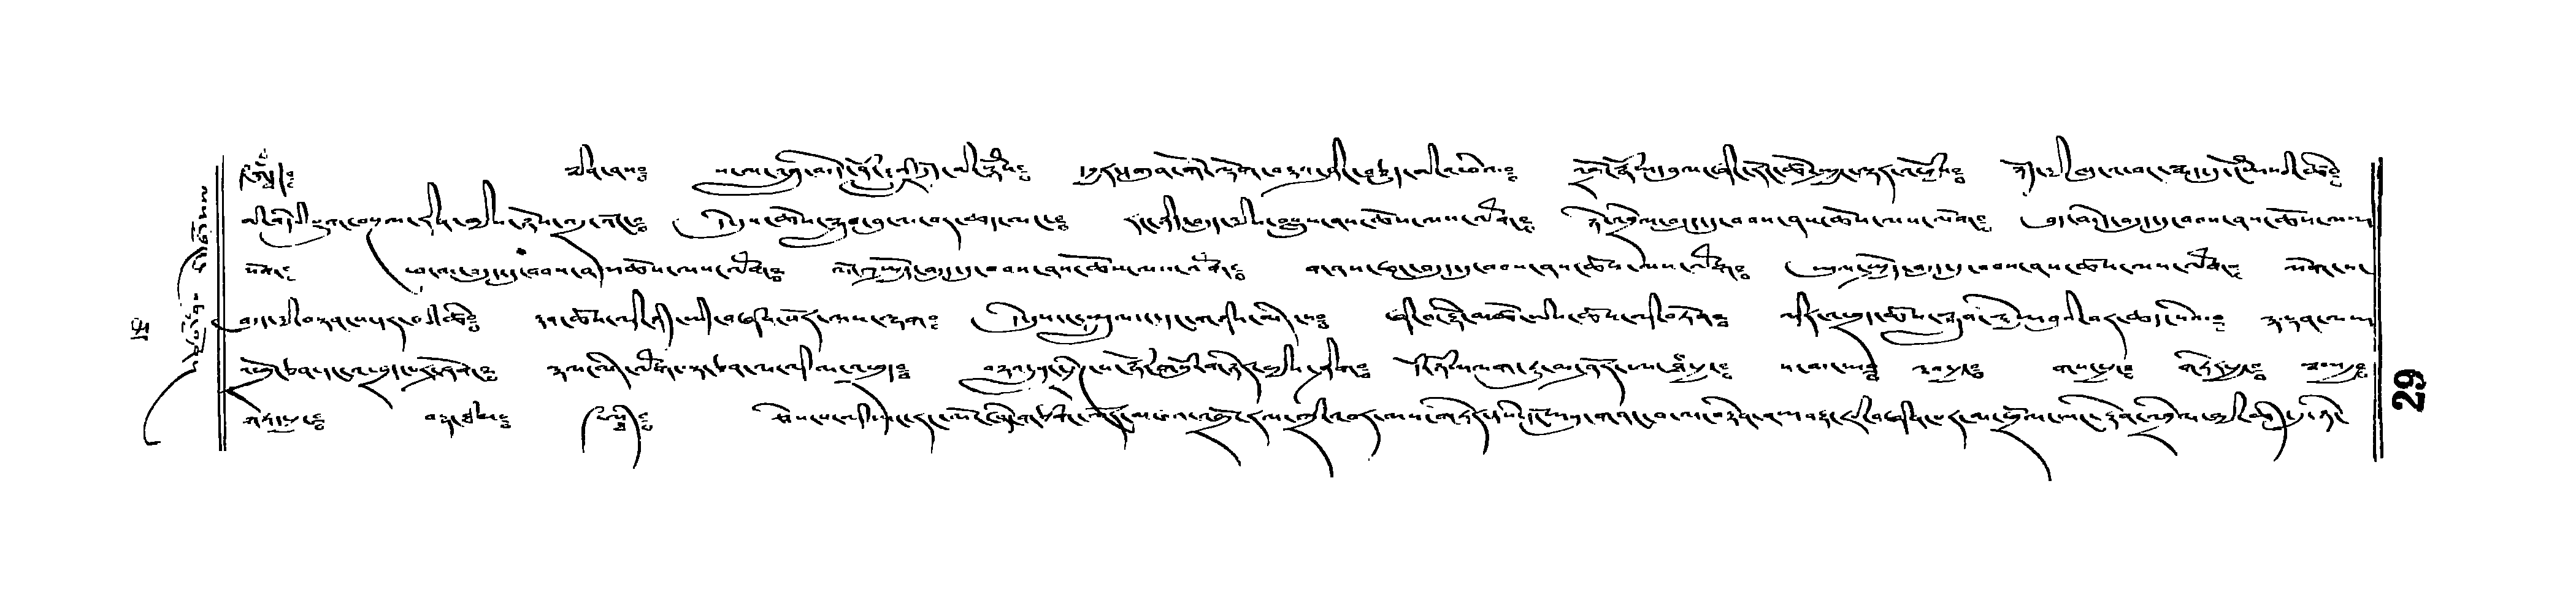སྨིན་ནས༔ ས་ལ་འབྲུ་མེད་ནམ་ཟླའི་དྲོད་མི་སྙོམས༔ དབྱར་དགུན་གོ་ལྡོག་བཟའ་ཤིང་བཅུད་མི་འཕེལ༔ འགྲོ་རྣམས་དབུལ་ཞིང་རོང་ཚོ་སྤྱང་ལྟར་འཁྱམས༔ སྟོད་ཀྱི་ཁུ་འཕང་སྨད་དུ་ངོམས་པའི་ཚེ༔ 
མི་བདེའི་སྡུག་བསྔལ་རིན་གྱིས་ཉོས་འདྲ་འོང༔ དེ་དུས་ཆོས་སྒྲུབ་བུ་ལ་བར་ཆད་མང༔ རང་ཉིད་བདུད་ཀྱིས་བསླུས་ནས་ཆོས་ལས་ལོག༔ ཉེ་འབྲེལ་བདུད་དུ་བབས་ནས་ཆོས་ལས་ལོག༔ བུད་མེད་བདུད་དུ་བབས་ནས་ཆོས་ལས་
ལོག༔ ཕ་མ་བདུད་དུ་བབས་ནས་ཆོས་ལས་ལོག༔ ལོངས་སྤྱོད་བདུད་དུ་བབས་ནས་ཆོས་ལས་ལོག༔ གནས་ཁང་བདུད་དུ་བབས་ནས་ཆོས་ལས་ལོག༔ ཡུལ་སྤྱོད་བདུད་དུ་བབས་ནས་ཆོས་ལས་ལོག༔ ལོག་པ་
བདུད་ཀྱི་བསྟན་པ་དར་བའི་ཚེ༔ ཟབ་ཆོས་འདི་ཉིད་ཡིད་བཞིན་ནོར་ལས་ལྷག༔ དེ་དུས་ང་སྤྲུལ་ང་དང་གཉིས་མེད་པ༔ ཞི་བ་རྡོ་རྗེ་མཚོ་ཡིས་ཆོས་འདི་བཏོན༔ འདིར་འཕྲད་ཆོས་སྒྲུབ་སྐྱེས་བུའི་བར་ཆད་སེལ༔ སྐལ་ལྡན་ལས་
འཕྲོ་ཅན་དང་འཕྲད་པར་ཤོག༔ སྐལ་མེད་ལོག་ལྟ་ཅན་ལ་འདི་མ་འཕྲད༔ བཀའ་སྲུང་དྲེགས་པ་རྣམ་གསུམ་གཉེར་གྱིས་ཤིག༔ དམ་ཉམས་ལག་ཏུ་མ་ཤོར་ཨ་ཐཾ་རྒྱ༔ ས་མ་ཡ༔ ཟབ་རྒྱ༔ གསང་རྒྱ༔ གཏེར་རྒྱ༔ སྦས་རྒྱ༔ 
གཏད་རྒྱ༔ བརྡ་ཐིམ༔ ༔ ཅེས་པ་འདི་ཡང་རང་ལོ་ཞེ་གཅིག་ལོར་མཁའ་འགྲོ་རལ་གྲི་འབར་མས་གཏེར་དཔེ་དངོས་སུ་གནང་བ་ལ་བརྟེན་ནས་བརྡ་ཇི་བཞིན་པར་མ་ཁྲོལ་ཡང་རྟེན་འབྲེལ་གྱི་ཆེད་དུ་ཉེ་